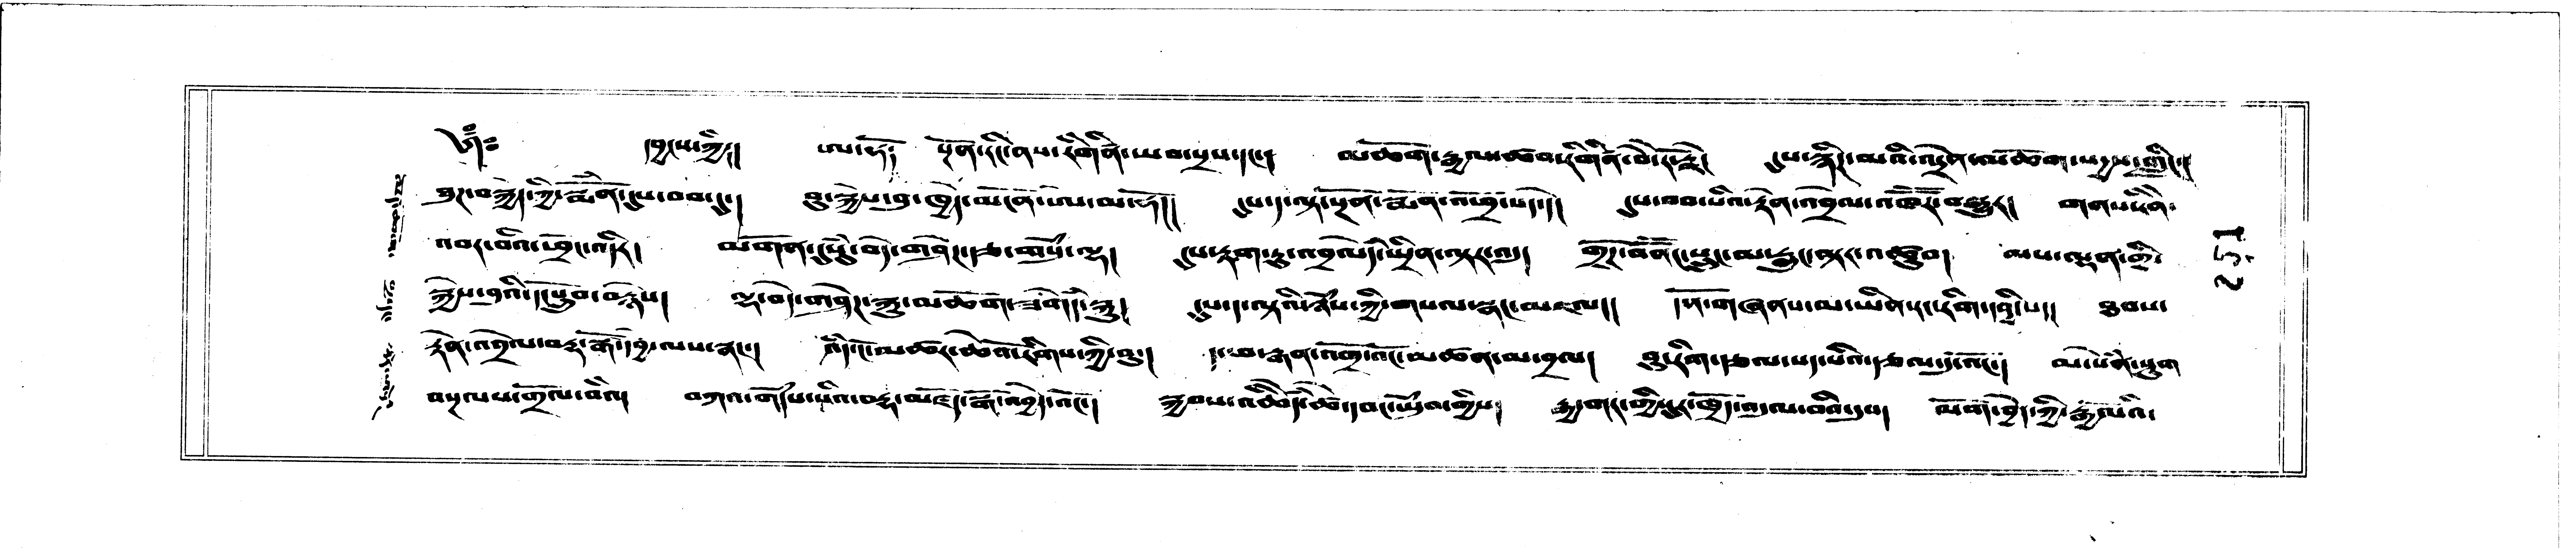དབྱངས་ཀྱིསཿ ཨ་ཧོཿ སྔོན་རིང་ནས་རིག་འཛིན་ཡབ་སྲས་དངཿ མཆོག་རྒྱལ་ཚབ་རིག་འཛིན་བཻ་རོ་རྗེཿ དུས་སྙིགས་མའི་འདྲེན་མཆོག་སངས་རྒྱས་གླིངཿ 
ཐུགས་བསྐྱེད་ཀྱི་སྨོན་ལམ་དུས་བབ་དུཿ བུ་སྐྱེས་བུ་ཁྱེད་མངོན་ཨེ་མ་ཧོཿ དུས་ད་ལྟ་སྔོན་སྨོན་འཕྲོ་སད་དེཿ དུས་བབ་པའི་རྟེན་འབྲེལ་འཁོར་ལོ་བསྒྱུརཿ གནས་རིན་ཆེན་
འབར་བའི་ཕོ་བྲང་འདིརཿ མགོན་དུས་གསུམ་བདེར་གཤེགས་རྩ་གསུམ་ལྷཿ དུས་རྟག་ཏུ་འབྲལ་མེད་སྤྲིན་ལྟར་འདུཿ གྲོགས་བོན་སྐྱོང་སྲུང་མ་རླུང་ལྟར་འཚུབསཿ ལས་ལྡན་གྱི་
སྐྱེས་བུའི་དངོས་གྲུབ་བརྙེསཿ ལྷ་བདེར་གཤེགས་སྐུ་མཆོག་ཟག་མེད་སྐུཿ དུས་ད་ལྟའི་ཉམས་ཀྱི་གསལ་སྣང་མཇལཿ དོན་གཞན་ནས་མ་ཡིན་རང་རིག་དབྱིངསཿ ཐབས་
རྟེན་འབྲེལ་བརྡ་སྒོ་དབྱེ་ལས་སྣངཿ འདི་ངོ་མཚར་ཆེའོ་རིགས་ཀྱི་བུཿ ད་ཕ་རྒན་འགྲོ་འོང་མཚན་མ་བྲལཿ བུ་རིག་རྩལ་སད་པའི་རྩལ་དུ་འོངཿ མ་སེམས་ཅན་སྡུག་
བསྔལ་ལས་གྲོལ་བའིཿ བཀའ་གདམས་པའི་བརྡ་མཛོད་སྒོ་འབྱེད་འོངཿ སྐྱབས་འཆི་མེད་ཚེ་དབང་ཡབ་ཡུམ་གྱིསཿ རྒྱ་གར་གྱི་དུར་ཁྲོད་འདུལ་བའི་དུསཿ ལོག་བྱེད་ཀྱི་རྒྱལ་པོས་